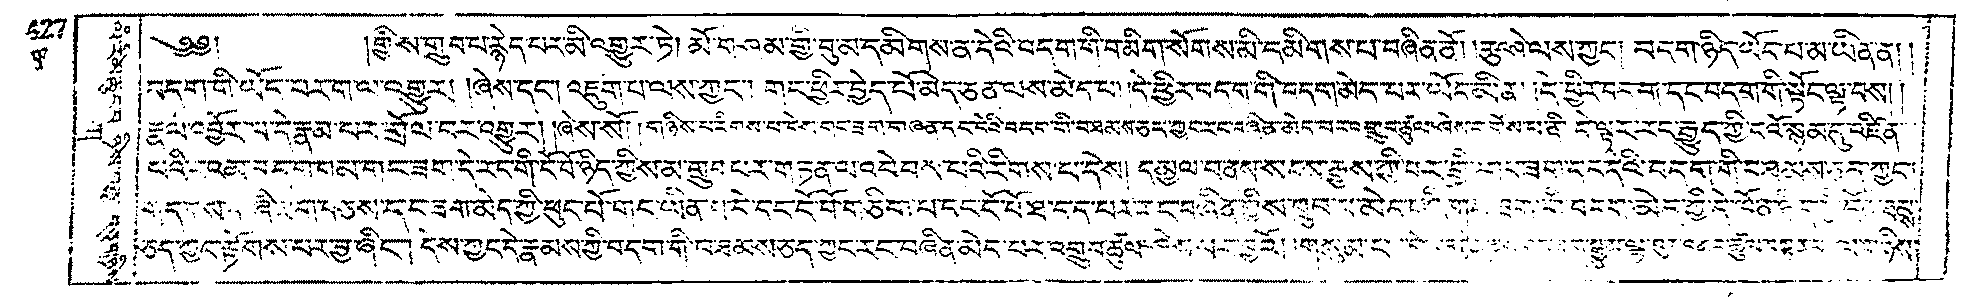༄༅། །གྱིས་གྲུབ་པ་རྙེད་པར་མི་འགྱུར་ཏེ། མི་གཤམ་གྱི་བུ་མ་དམིགས་ན་དེའི་བདག་གི་བ་མིག་སོགས་མི་དམིགས་པ་བཞིན་ནོ། །རྩ་ཤེ་ལས་ཀྱང་། བདག་ཉིད་ཡོད་པ་མ་ཡིན་ན། །
བདག་གི་ཡོད་པར་ག་ལ་འགྱུར། །ཞེས་དང་། འཇུག་པ་ལས་ཀྱང་། གང་ཕྱིར་བྱེད་པོ་མེད་ཅན་ལས་མེད་པ། །དེ་ཕྱིར་བདག་གི་བདག་མེད་པར་ཡོད་མིན། །དེ་ཕྱིར་བདག་དང་བདག་གི་སྟོང་ལྟ་བས། །
རྣལ་འབྱོར་པ་དེ་རྣམ་པར་གྲོལ་བར་འགྱུར། །ཞེས་སོ། །གཉིས་པ་རིགས་པ་དེས་གང་ཟག་གཞན་དང་དེའི་བདག་གི་བ་ཐམས་ཅད་ཀྱང་རང་བཞིན་མེད་པར་འགྲུབ་ཚུལ་ཤེས་དགོས་པ་ནི།  དེ་ལྟར་རང་རྒྱུད་ཀྱི་ངའོ་སྙམ་དུ་འཛིན་
པའི་ངའམ་བདག་གམ་གང་ཟག་དེ་རང་གི་ངོ་བོ་ཉིད་ཀྱིས་མ་གྲུབ་པར་གཏན་ལ་འབེབས་པའི་རིགས་པ་དེས། དམྱལ་བ་ནས་སངས་རྒྱས་ཀྱི་བར་གྱི་གང་ཟག་དང་དེའི་བདག་གི་བ་ཐམས་ཅད་ཀྱང་།
གདགས་གཞི་ཟག་བཅས་དང་ཟག་མེད་ཀྱི་ཕུང་པོ་གང་ཡིན་པ་དེ་དང་ངོ་བོ་གཅིག་པ་དང་ངོ་བོ་ཐ་དད་པར་རང་བཞིན་གྱིས་གྲུབ་པ་མེད་པའི་གང་ཟག་གི་བདག་མེད་ཀྱི་དེ་ཁོ་ན་ཉིད་ཀྱི་དོན་ཐམས་
ཅད་ཀྱང་རྟོགས་པར་བྱ་ཞིང་། དེས་ཀྱང་དེ་རྣམས་ཀྱི་བདག་གི་བ་ཐམས་ཅད་ཀྱང་རང་བཞིན་མེད་པར་འགྲུབ་ཚུལ་ཤེས་པར་བྱའོ། །གསུམ་པདེ་ལ་བརྟེན་ནས་གང་ཟག་སྒྱུ་མ་ལྟ་བུར་འཆར་ཚུལ་བསྟན་པ་ལ་གཉིས་